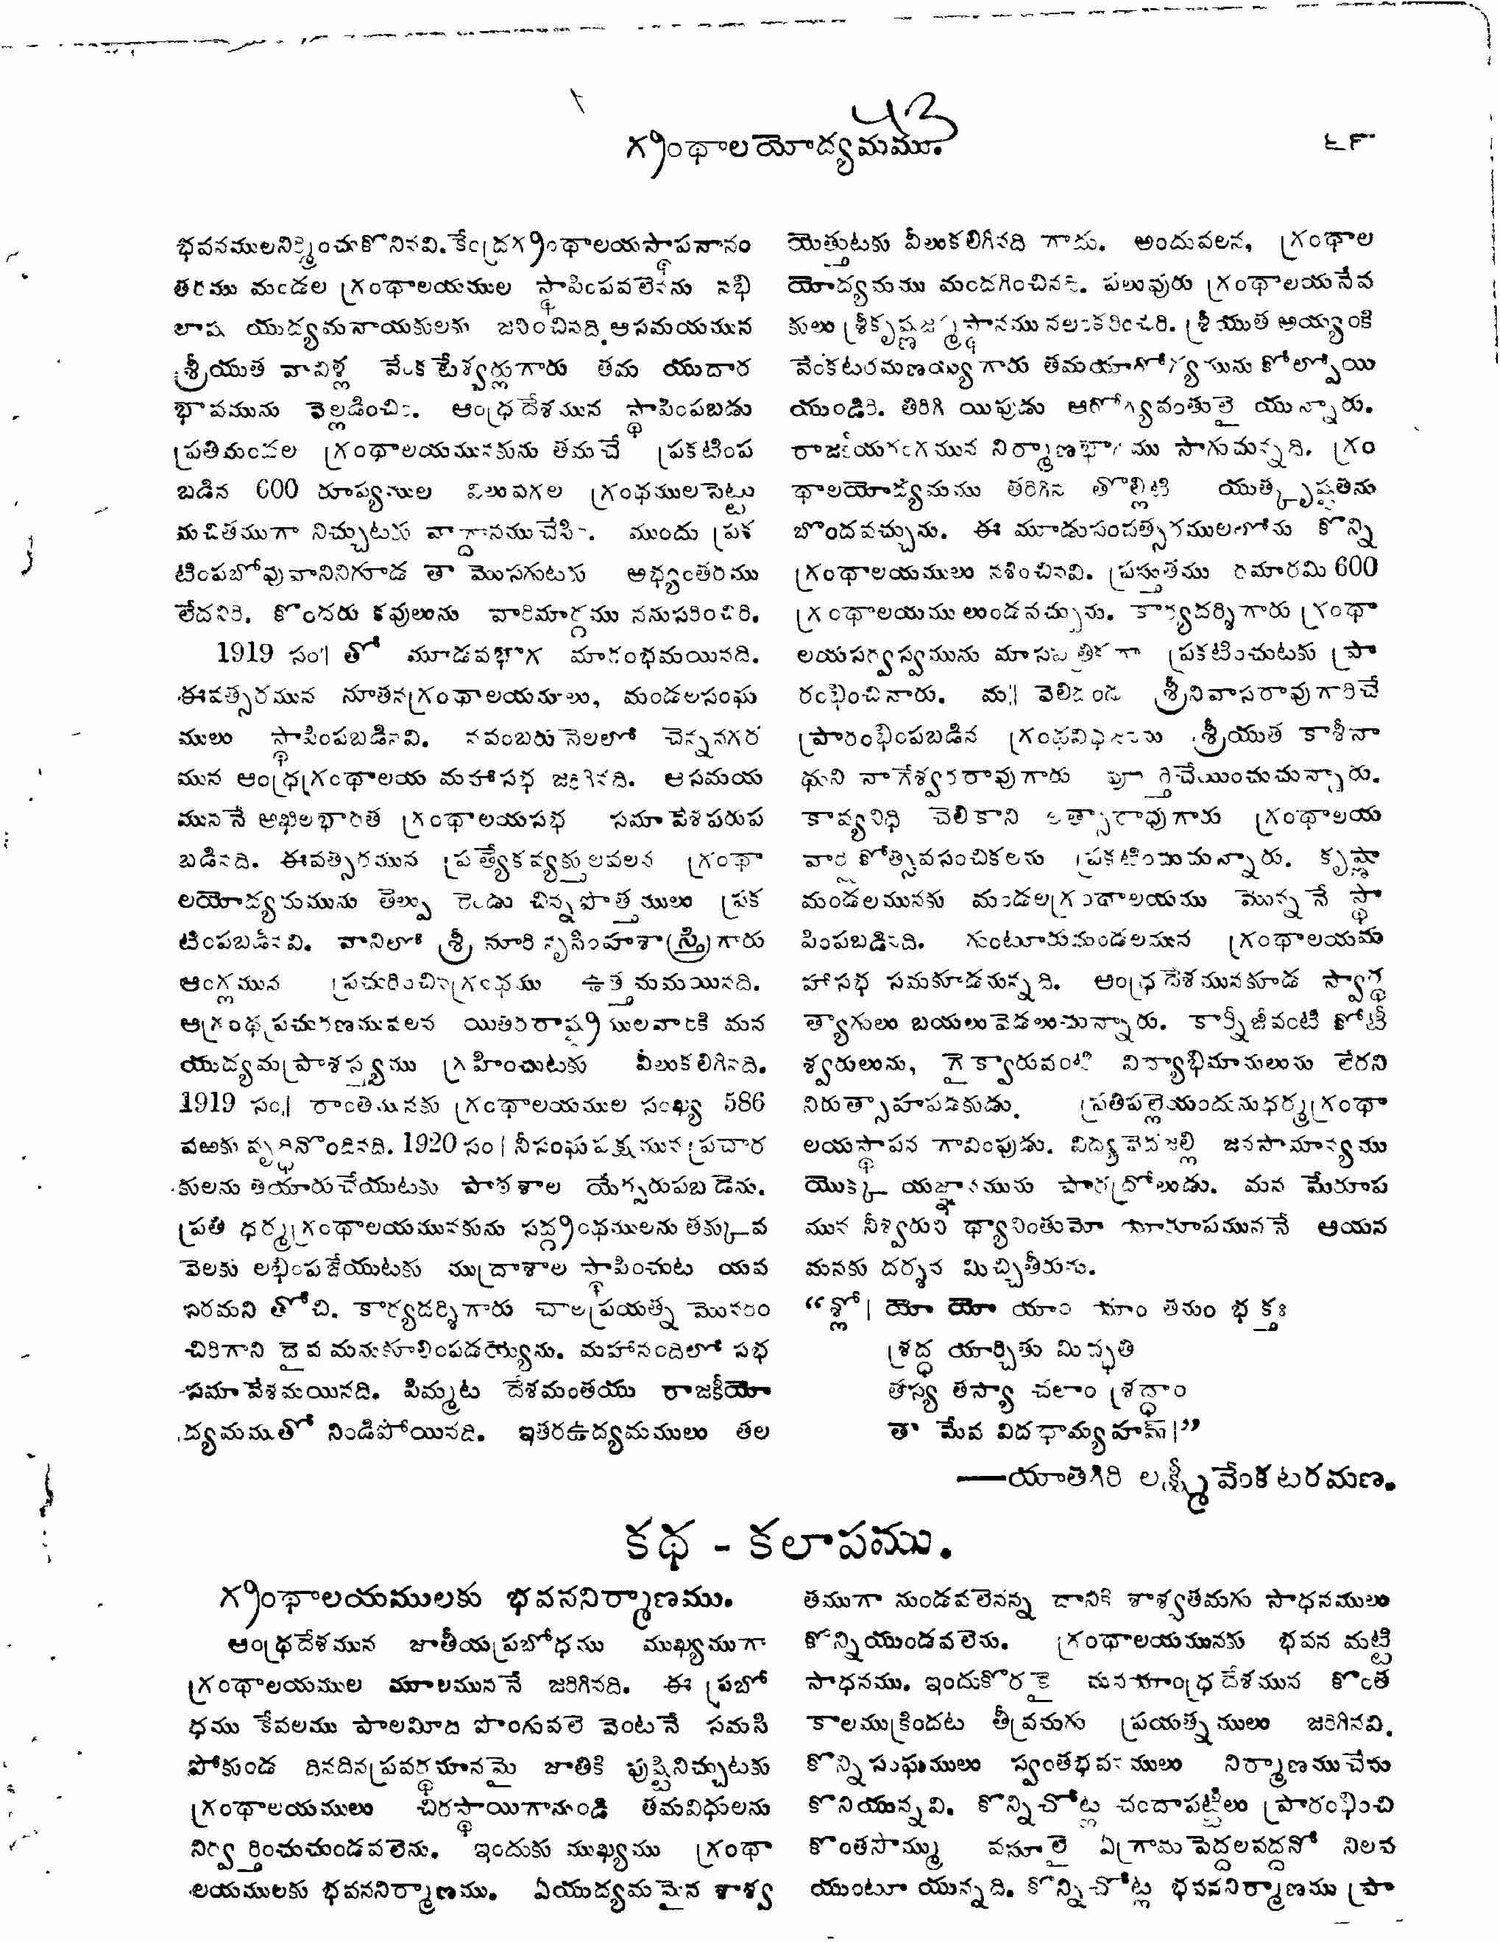భవనములనిర్మించుకొనినవి. కేంద్రగంథాలయ స్థాపనానంతరము మఁడల గ్రంథాలయములు స్థాపింపవలెనను నభిలాష యుద్యమ నాయకులకు జనించినది ఆ సమయమున శ్రీయుత వావిళ్ల వేంకటేశ్వర్లు గారు తమ యుదారభావమును వెల్లడించిరి. ఆంధ్రదేశమున స్థాపింపబడు ప్రతిమండల గ్రంథాలయమునకును తమచే ప్రకటింపబడిన 600 రూప్యముల విలువగల గ్రంథములపెట్టునుచితముగా నిచ్చుటకు వాగ్దానము చేసి. ముందు ప్రశటింపబోవువానినిగూడ తా మొసగుటరు అభ్యంతరము లేదనిరి. కొందరు కవులును వారిమార్గము ననుసరించిరి.

1919 సం| తో మూడవభాగ మారంభమయినది. ఈవత్సరమున నూతనగ్రంథాలయములు, మండలసంఘములు స్థాపింపబడినవి. నవంబరు నెలలో చెన్ననగరమున ఆంధ్రగ్రంథాలయ మహాసభ జరిగినది. ఆ సమయముననే అఖిలభారత గ్రంథాలయసభ సమావేశ పరుపబడినది. ఈవత్సరమున ప్రత్యేక వ్యక్తులవలన గ్రంథాలయోద్యమమును తెల్పు రెండు చిన్నపొత్తములు ప్రకటింపబడినవి. వానిలో శ్రీ నూరి నృసింహశాస్త్రిగారు ఆంగ్లమున ప్రచురించి గ్రంథము ఉత్తమమయినది. ఆగ్రంథ ప్రచురణమువలన యితిర రాష్ట్రములవారికి మన యుద్యమప్రాశస్యము గ్రహించుటకు వీలుకలిగినది. 1919 సం|| రాంతమునకు గ్రంథాలయముల సంఖ్య 586 వఱకు వృద్ధి నొందినది. 1920 సం౹ నీ సంఘపక్షమున ప్రచారకులను తయారుచేయుటకు పాఠశాల యేర్పరుపబడెను. ప్రతి దర్మగ్రంథాలయ
మునకును సద్గ్రంథములను తక్కువవెలకు లభింపజేయుటకు ముద్రాశాల స్థాపించుట యవసరమని తోచి, కార్యదర్శిగారు చాల ప్రయత్న మొనరంచిరిగాని దైవమనుకూలింపడయ్యను. మహానందిలో సభ సమావేశమయినది. పిమ్మట దేశమంతయు రాజకీయో
ద్యమముతో నిండిపోయినది. ఇతర ఉద్యమములు తలయెత్తుటకు వీలుకలిగినది గాదు. అందువలన, గ్రంథాలయోద్యమము మందగించినది. పలువురు గ్రంథాలయనేవకులు శ్రీకృష్ణజన్మస్థానము నలంకరించరి. శ్రీయుత అయ్యంకి వేంకటరమణయ్యగారు తమయారోగ్యమును కోల్పోయియుండిరి. తిరిగి యిపుడు ఆరోగ్యవంతులై యున్నారు. రాజకీయరంగమును నిర్మాణభాగము సాగుచున్నది. గ్రంథాలయోద్యమము తరిగిన తొల్లిటి యుత్కృష్టతను బొందవచ్చును. ఈ మూడు సంవత్సరములలోను కొన్ని గ్రంథాలయములు నశించినవి. ప్రస్తుతము రమారమి 600 గ్రంథాలయము లుండవచ్చును. కార్యదర్శిగారు గ్రంథాలయసర్వస్వమును మాసపత్రికగా ప్రకటించుటకు ప్రారంభించినారు. మ॥ వెలిదండి శ్రీనివాసరావుగారిచే ప్రారంభింపబడిన గ్రంథవిభజన శ్రీయుత కాశీనాథుని నాగేశ్వరరావు గారు పూర్తి చేయించుచున్నారు. కావ్యనిధి చెలికాని లత్సారావు గారు గ్రంథాలయవార్షకోత్సివసంచికలను ప్రకటించుకున్నారు. కృష్ణా
మండలమునకు మండలగ్రంథాలయము మొన్ననే స్థాపింపబడింది. గుంటూరుమండలమున గ్రంథాలయమహాసభ సమకూడనున్నది. ఆంధ్రదేశమునకూడ స్వార్థత్యాగులు బయలు వెడులుచున్నారు. కార్నేజివంటి కోటీశ్వరులును, గైక్వారువంటి విద్యాభిమానులును లేరని
నిరుత్సాహపడకుడు. ప్రతిపల్లెయందును ధర్మగ్రంథాలయస్థాపన గావింపుడు. విద్యవెదజెల్లి జనసామాన్యము యొక్క యజ్ఞానమును పారద్రోలుడు. మన మేరూపమున నీశ్వరుని ధ్యానింతుమో యురూపముననే ఆయన మనకు దర్శన మిచ్చితీరును.

“శ్లో॥ యోయోయాం యాం తనుం భక్తః
 శ్రద్ధ యార్చితు మిచ్ఛతి
 తస్య తస్యా చాలం శ్రద్ధాం
 తా మేవ విదధామ్యహమ్| 
 

ఆంధ్రదేశమున జాతీయప్రబోధము ముఖ్యముగా గ్రంథాలయముల మూలముననే జరిగినది. ఈ ప్రబో కేవలము పాలమీది పొంగువలె వెంటనే సమసి పోకుండ దినదినప్రవర్ధమానమై జాతికి పుష్టినిచ్చుటకు గ్రంథాలయములు చిరస్థాయిగానుండి తమవిధులను నిర్వర్తించు చుండవలెను. ఇందుకు ముఖ్యము గ్రంథాలయములకు భవననిర్మాణము. ఏయుద్యమమైన శాశ్వతముగా నుండవలెనన్న దానికి శాశ్వతమగు సాధనములు కొన్నియుండవలెను. గ్రంథాలయమునకు భవన మట్టి సాధనము, ఇందుకొరకై మన యాంధ్రదేశమున కొంత
కాలముక్రిందట తీవ్రమగు ప్రయత్నములు జరిగినవి. కొన్ని సంఘములు స్వంతభవనములు నిర్మాణము చేసుకొనియున్నవి. కొన్నిచోట్ల చందాపట్టీలు ప్రారంభించి కొంతసొమ్ము వసూలై ఏగ్రామ పెద్దలవద్దనో నిలవయుంటూ యున్నది. కొన్ని చోట్ల భవవనిర్మాణము ప్రా